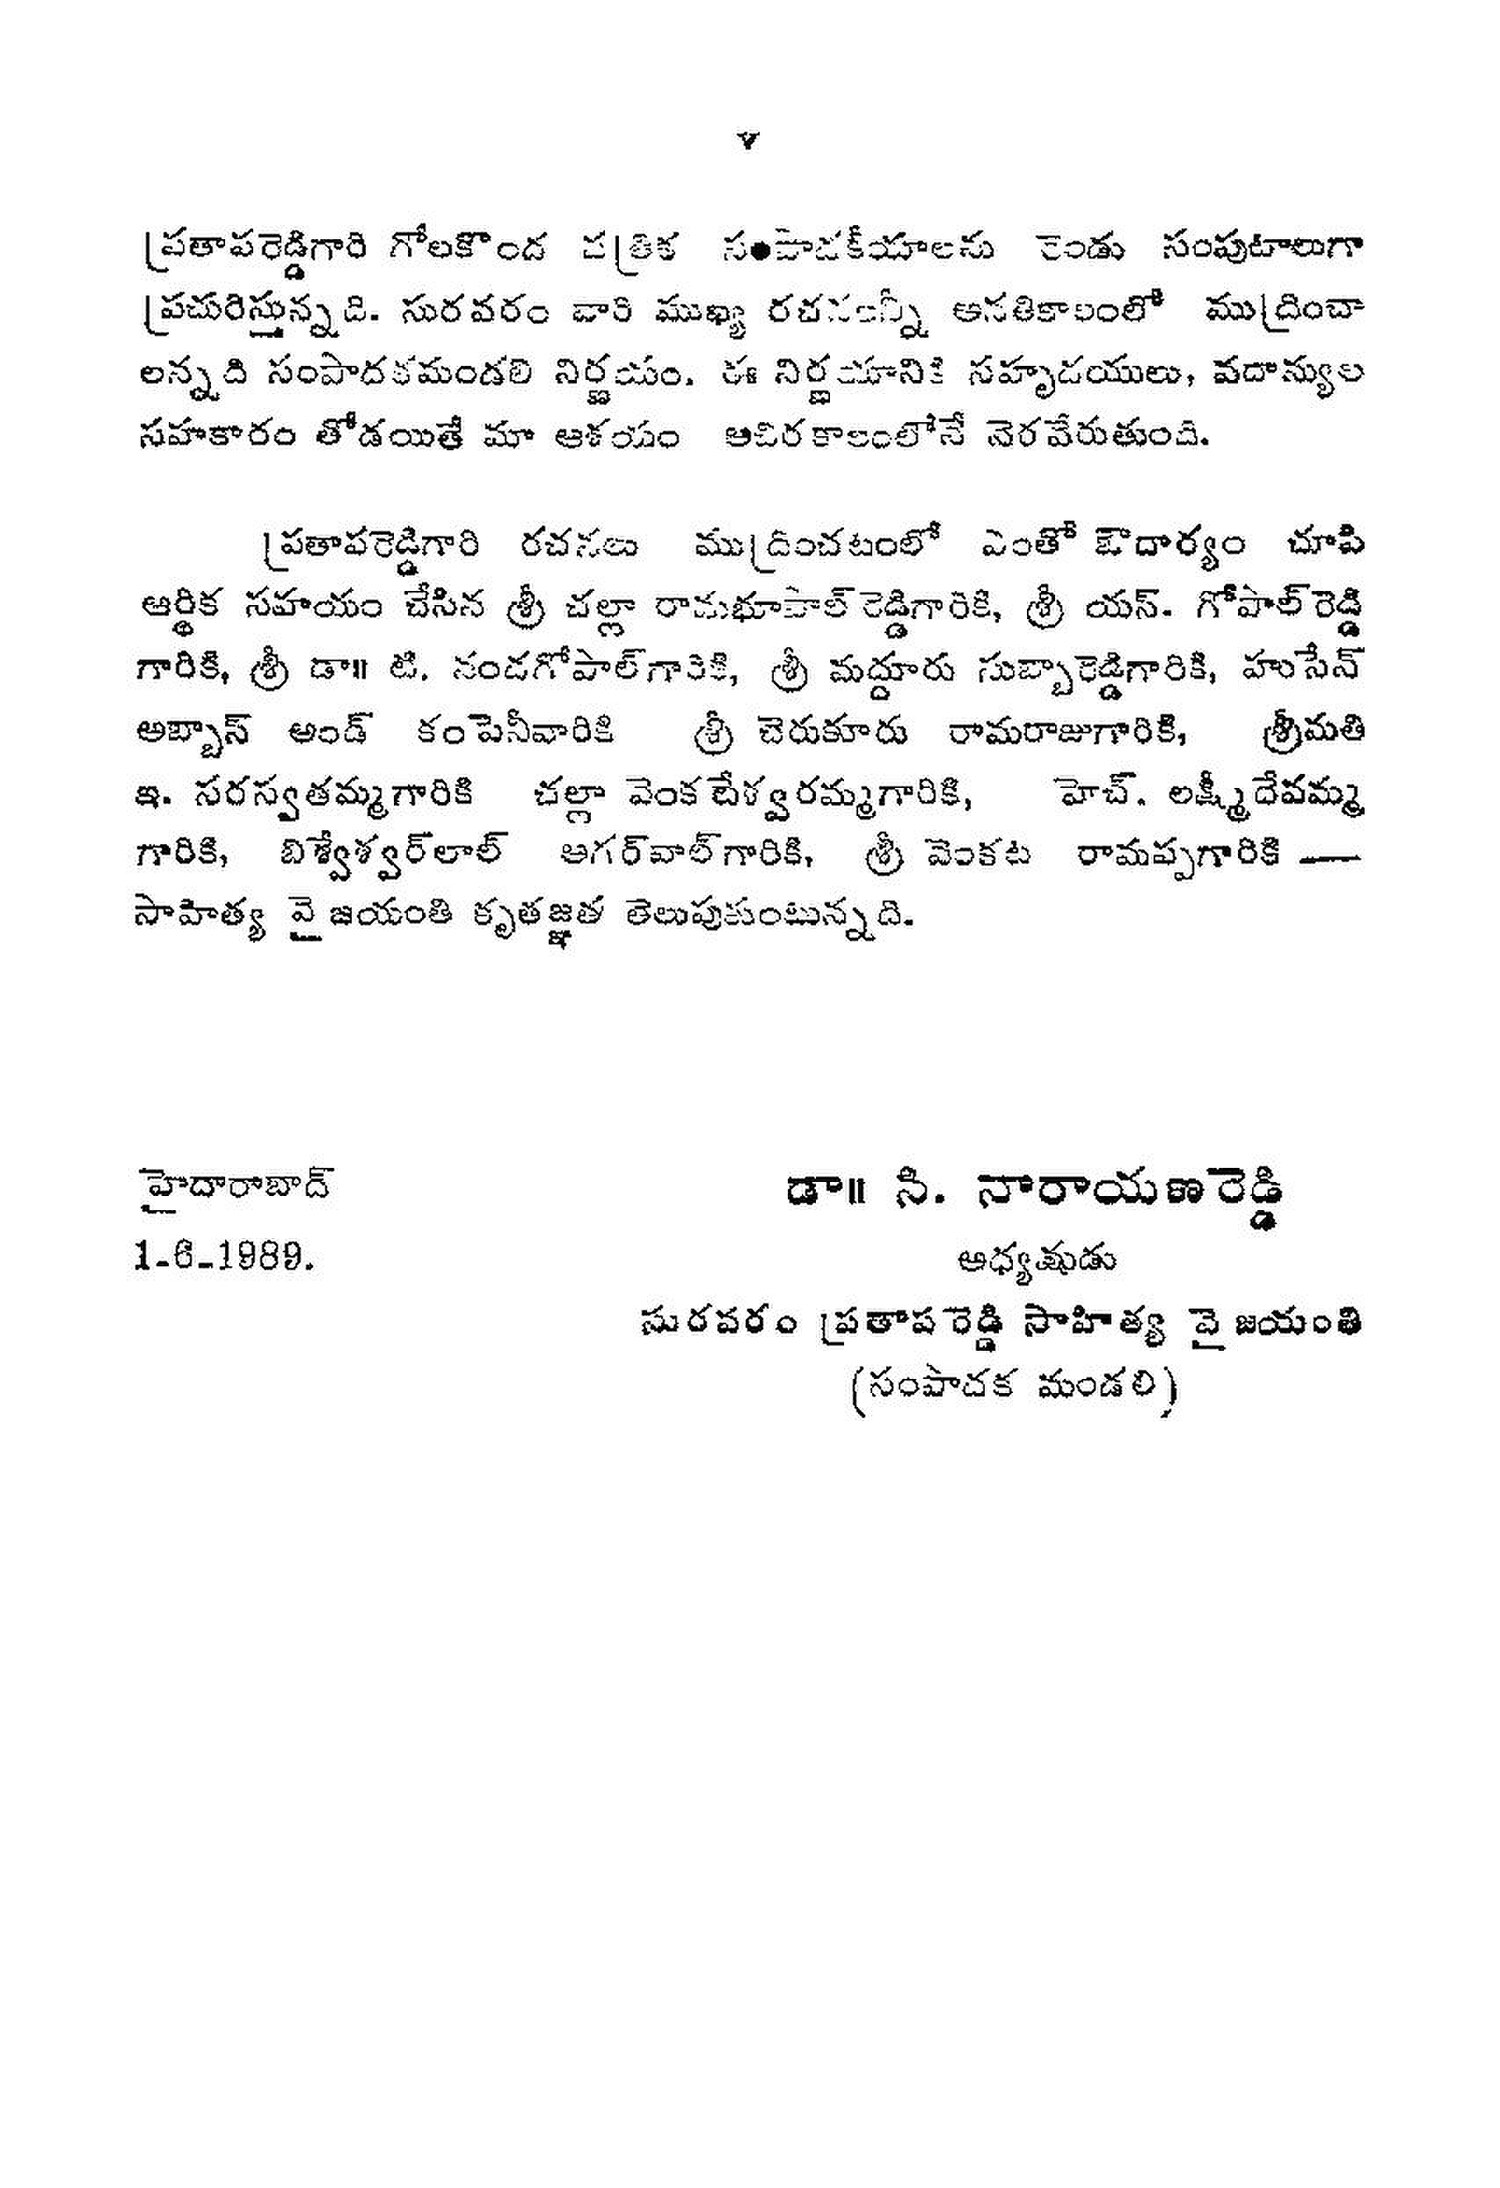ప్రతాపరెడ్డిగారి గోలకొండ పత్రిక సంపాదకీయాలను రెండు సంపుటాలుగా ప్రచురిస్తున్నది. సురవరం వారి ముఖ్య రచనలన్నీ అనతికాలంలో ముద్రించాలన్నది సంపాదకమండలి నిర్ణయం. ఈ నిర్ణయానికి సహృదయులు, వదాన్యుల సహకారం తోడయితే మా ఆశయం అచిరకాలంలోనే నెరవేరుతుంది.

ప్రతాపరెడ్డిగారి రచనలు ముద్రించటంలో ఎంతో ఔదార్యం చూపి ఆర్థిక సహాయం చేసిన శ్రీ చల్లా రామభూపాల్ రెడ్డిగారికి, శ్రీ యస్. గోపాల్‌రెడ్డిగారికి, శ్రీ డా॥ టి. నందగోపాల్‌గారికి, శ్రీ మద్దూరు సుబ్బారెడ్డిగారికి, హుసేన్ అబ్బాస్ అండ్ కంపెనీవారికి శ్రీ చెరుకూరు రామరాజుగారికి, శ్రీమతి ఇ. సరస్వతమ్మగారికి చల్లా వెంకటేశ్వరమ్మగారికి, హెచ్. లక్ష్మీదేవమ్మగారికి, బిశ్వేశ్వర్‌లాల్ అగర్‌వాల్‌గారికి, శ్రీ వెంకట రామప్పగారికి - సాహిత్య వైజయంతి కృతజ్ఞత తెలుపుకుంటున్నది.